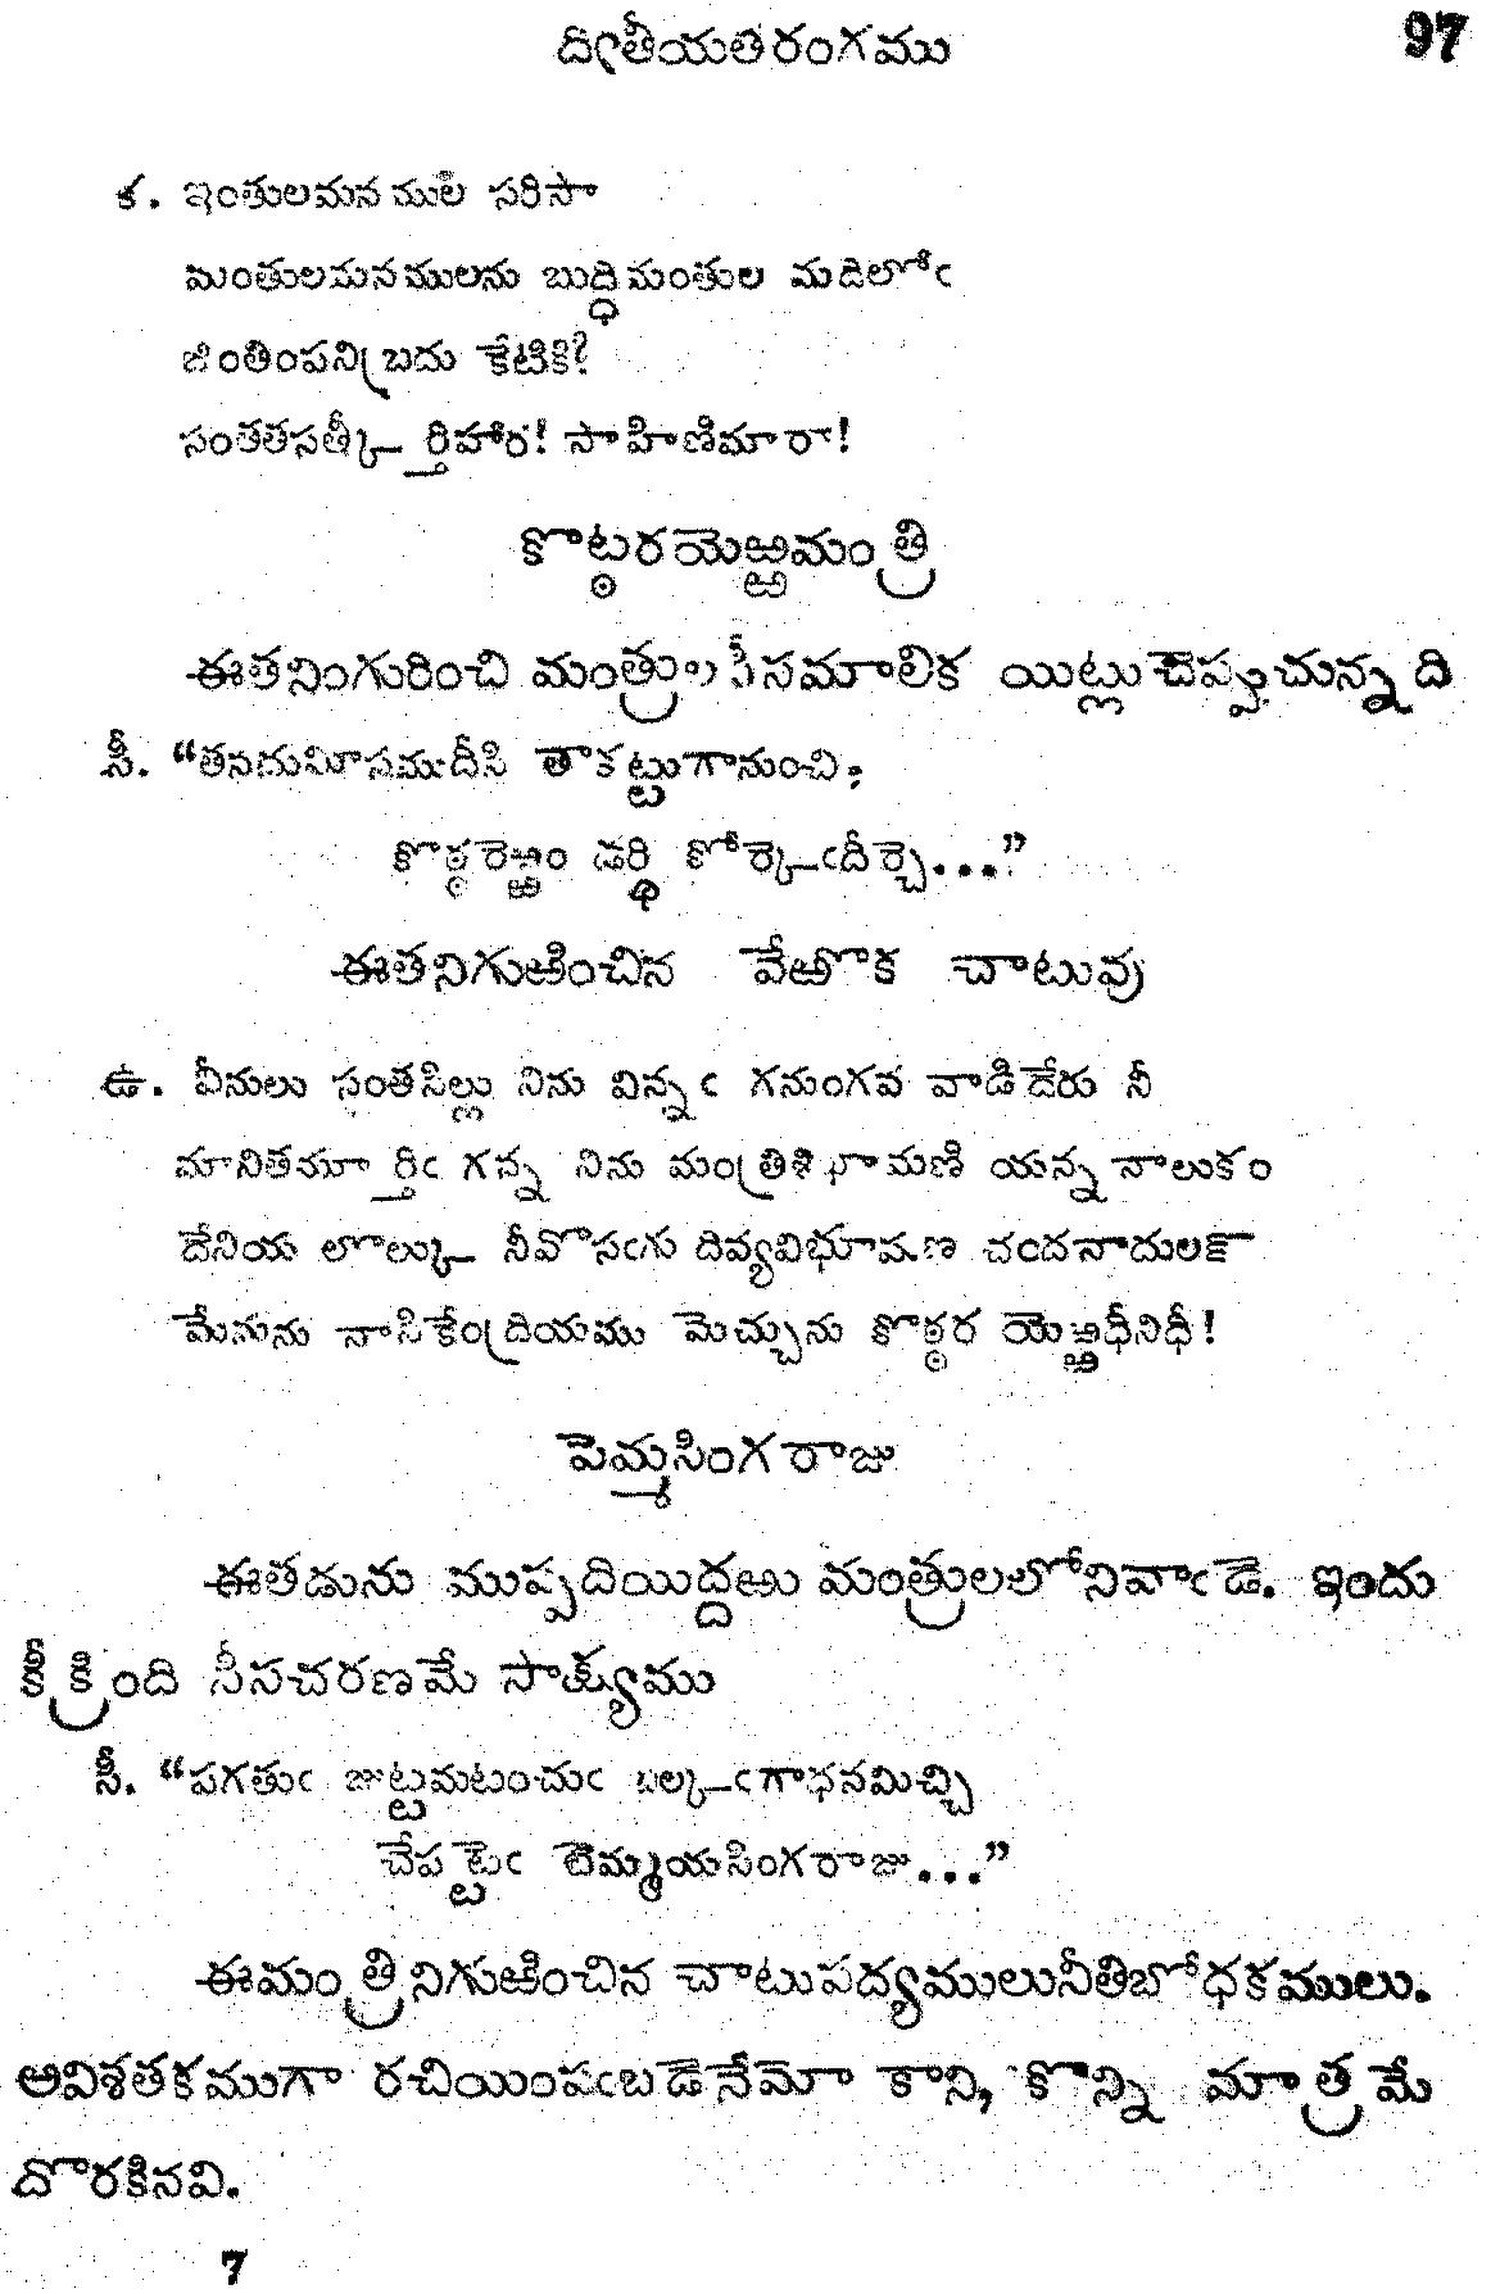కాఁడు.

క. ఇంతులమనమున సరిసా
 మంతులమనములను బుద్ధిమంతులమదిలోఁ
 జింతింపని బ్రదు కేటికి
 సంతతసత్కీర్తిహార! సాహిణిమారా!

ఈతనింగురించి మంత్రులసీసమాలిక యిట్లు చెప్పుచున్నది.

సీ. “తనదుమీసము దీసి తాకట్టుగా నుంచి
 కొర్ఠ రెఱ్ఱం డర్థి కోర్కెఁ దీర్చె....”

ఉ. వీనులు సంతసిల్లు నిను విన్నఁ గనుంగవ నిండువారు నీ
 మానితమూర్తిఁ గన్న నిను మంత్రిశిఖామణి యన్ననాలుకం
 దేనియ లొల్కు నీ వొసఁగు దివ్యవిభూషణచందనాదులన్
 మేనును నాసికేంద్రియము మెచ్చును కొఠ్ఠర యెఱ్ఱధీనిధీ!

ఈతడును ముప్పదియిద్దఱుమంత్రులలోనివాఁడె. ఇందు కీక్రింది సీసచరణమే సాక్ష్యము

సీ. “పగతుఁ జుట్టమటంచుఁ బల్కఁగా ధన మిచ్చి
 చేపట్టెఁ బెమ్మయసింగరాజు....”

ఈమంత్రినిగుఱించిన చాటుపద్యములు నీతిబోధకములు. అవి శతకముగా రచియింపఁబడెనేమో కాని, కొన్ని మాత్రమే దొరకినవి.